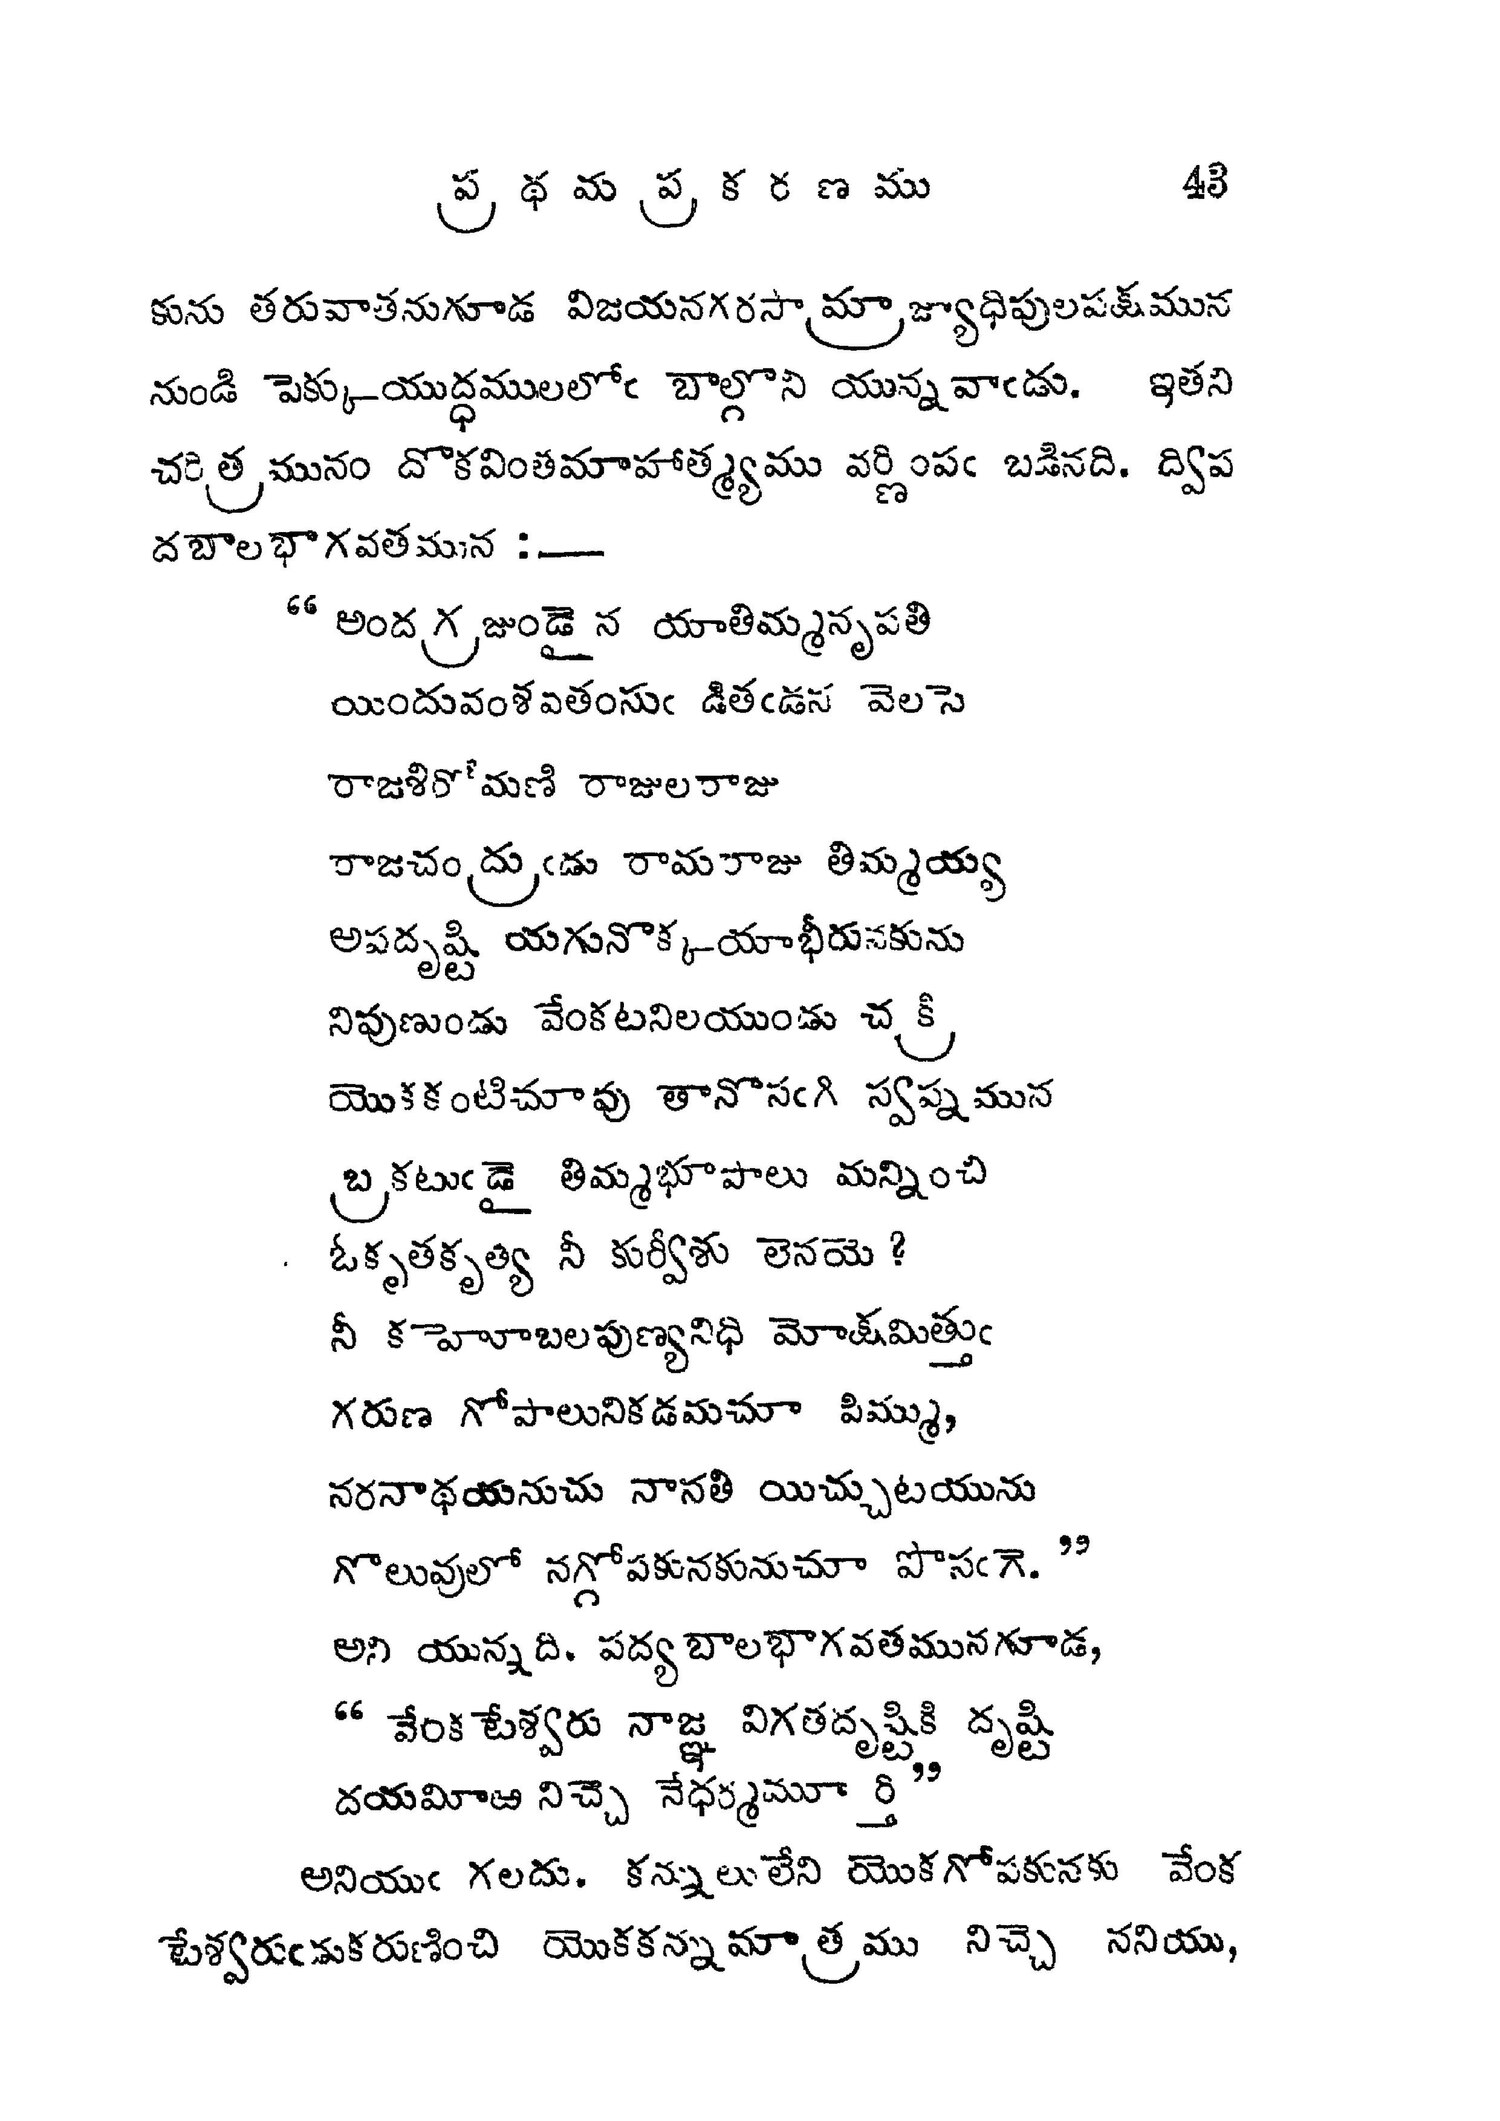కును తరువాతనుగూడ విజయనగరసామ్రాజ్యాధిపులపక్షమున నుండి పెక్కుయుద్ధములలో బాల్గొని యున్నవాడు. ఇతని చరిత్రమునం దొకవింతమాహాత్మ్యము వర్ణింప బడినది. ద్విపదబాలభాగవతమున:-

 "అందగ్రజుండైన యాతిమ్మనృపతి
 యిందువంశవతంసు డితడస వెలసె
 రాజశిరోమణి రాజులరాజు
 రాజచంద్రుడు రామరాజు తిమ్మయ్య
 అపదృష్టి యగునొక్కయాభీరునకును
 నిపుణుండు వేంకటనిలయుండు చక్రి
 యొకకంటిచూపు తానొసగి స్వప్నమున
 బ్రకటుడై తిమ్మభూపాలు మన్నించి
 ఓకృతకృత్య నీ కుర్వీశు లెనయె?
 నీ కహోబలపుణ్యనిధి మోక్షమిత్తు
 గరుణ గోపాలునికడమచూ పిమ్ము,
 నరనాథయనుచు నానతి యిచ్చుటయును
 గొలువులో నగ్గోపకునకునుచూ పొసంగె."

 అని యున్నది. పద్యబాలభాగవతమునగూడ,

 "వేంకటేశ్వరు నాజ్ఞ విగతదృష్టికి దృష్టి
 దయమీఱ నిచ్చె నేధర్మమూర్తి"

అనియు గలదు. కన్నులులేని యొకగోపకునకు వేంకటేశ్వరుడుకరుణించి యొకకన్నుమాత్రము నిచ్చె ననియు,